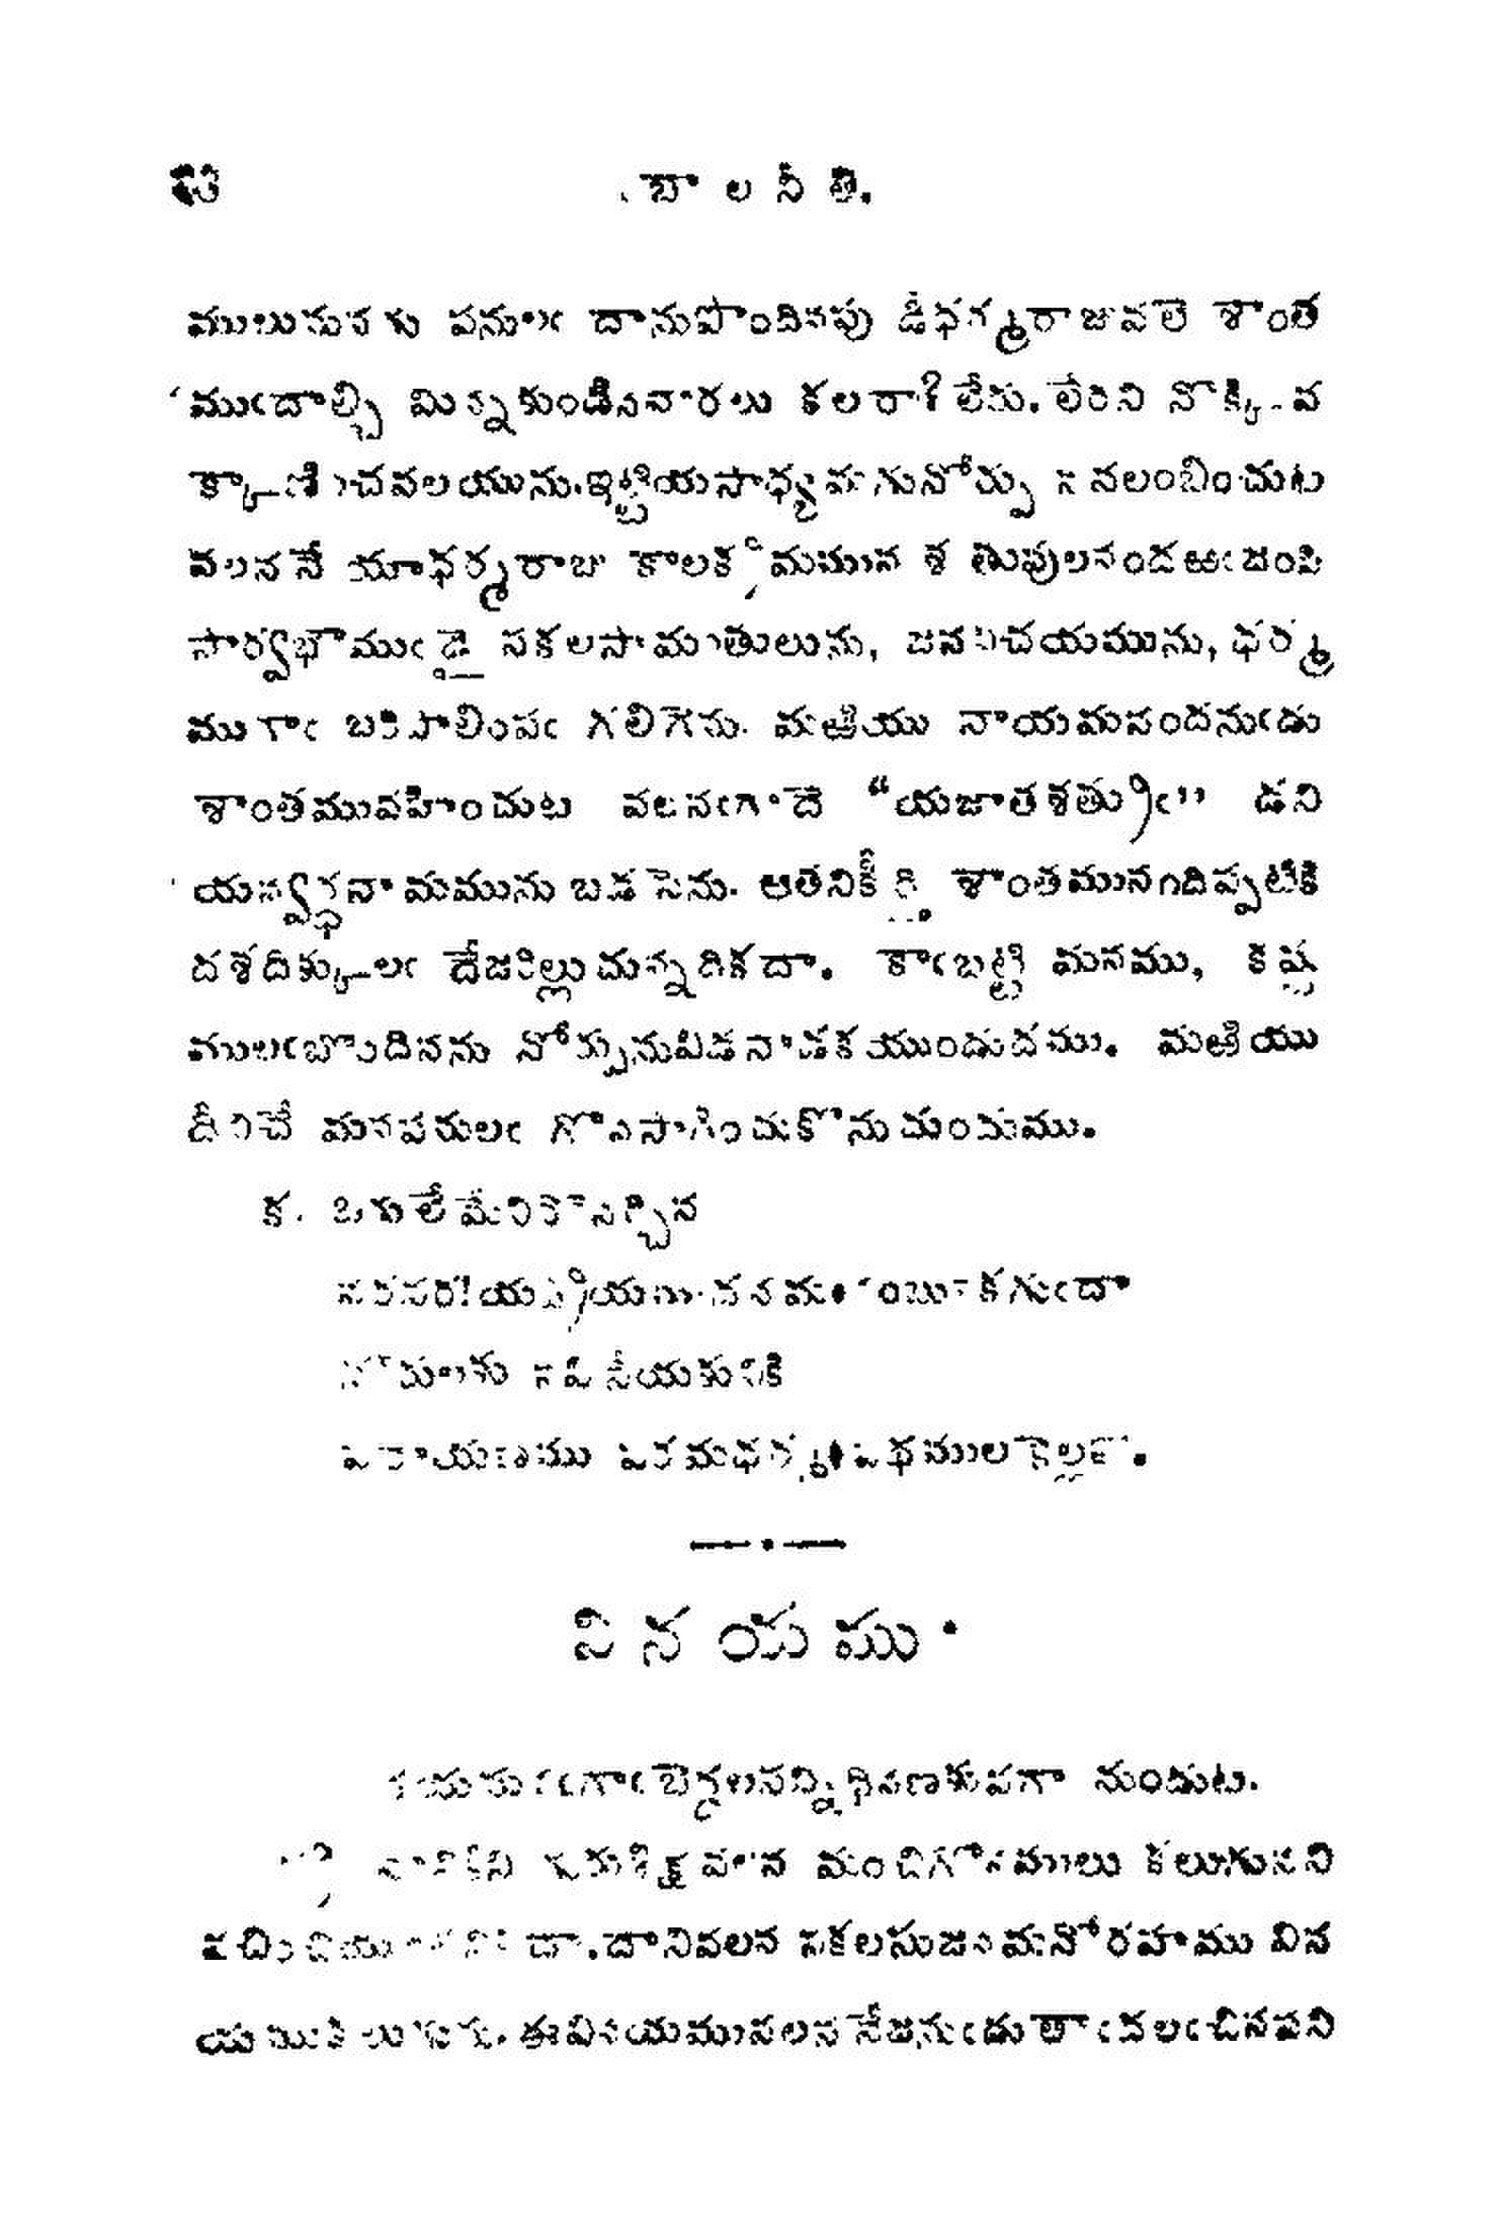ములుమనగు పనులఁ దానుబొందినపు డీధర్మరాజువలె శాంత
ముఁదాల్చి మిన్నకుండినవారలు కలరా? లేరు. లేరని నొక్కివ
క్కాణించవలయును. ఇట్టియసాధ్యమగునోర్పు నవలంబించుట
వలననే యాధర్మరాజు కాలక్రమమున శత్రువులనందఱఁజంపి 
సార్వభౌముఁడై సకలసామంతులును, జనవిచయమును, ధర్మ
ముగాఁ బరిపాలింపఁ గలిగెను. మఱియు నాయమనందనుఁడు 
శాంతమువహించుట వలనఁగాదె “యజాతశత్రుఁ” డని 
యన్వర్ధనామమును బడసెను. ఆతనికీర్తి శాంతమునందిప్పటికి 
దశదిక్కులఁ దేజరిల్లుచున్నదికదా. కాఁబట్టి మనము, కష్ట
ములఁబొందినను నోర్పునువిడనాడకయుండుదము. మఱియు 
దీనిచే మనపనులఁ గొనసాగించుకొనుచుందుము.

క. ఒరులేమనినొనర్చిన
 నరవర?యప్రియముదనమనంబునకగుఁదా
 నొరులకు నవి సేయకునికి
 పరాయణము పరమధర్మశపథములకెల్లన్.

వినయము.
 
వినయమనఁగాఁబెద్దలసన్నిధినణకువగా నుండుట 
అట్టి వానికిని గురుశిక్షవలన మంచిగొనములు కలుగునని 
వచించియుంటినికదా. దానివలన సకలసుజనమనోహరము విన
యముకలుగును. ఈవిషయమువలననేజనుఁడుతాఁదలఁచినపని